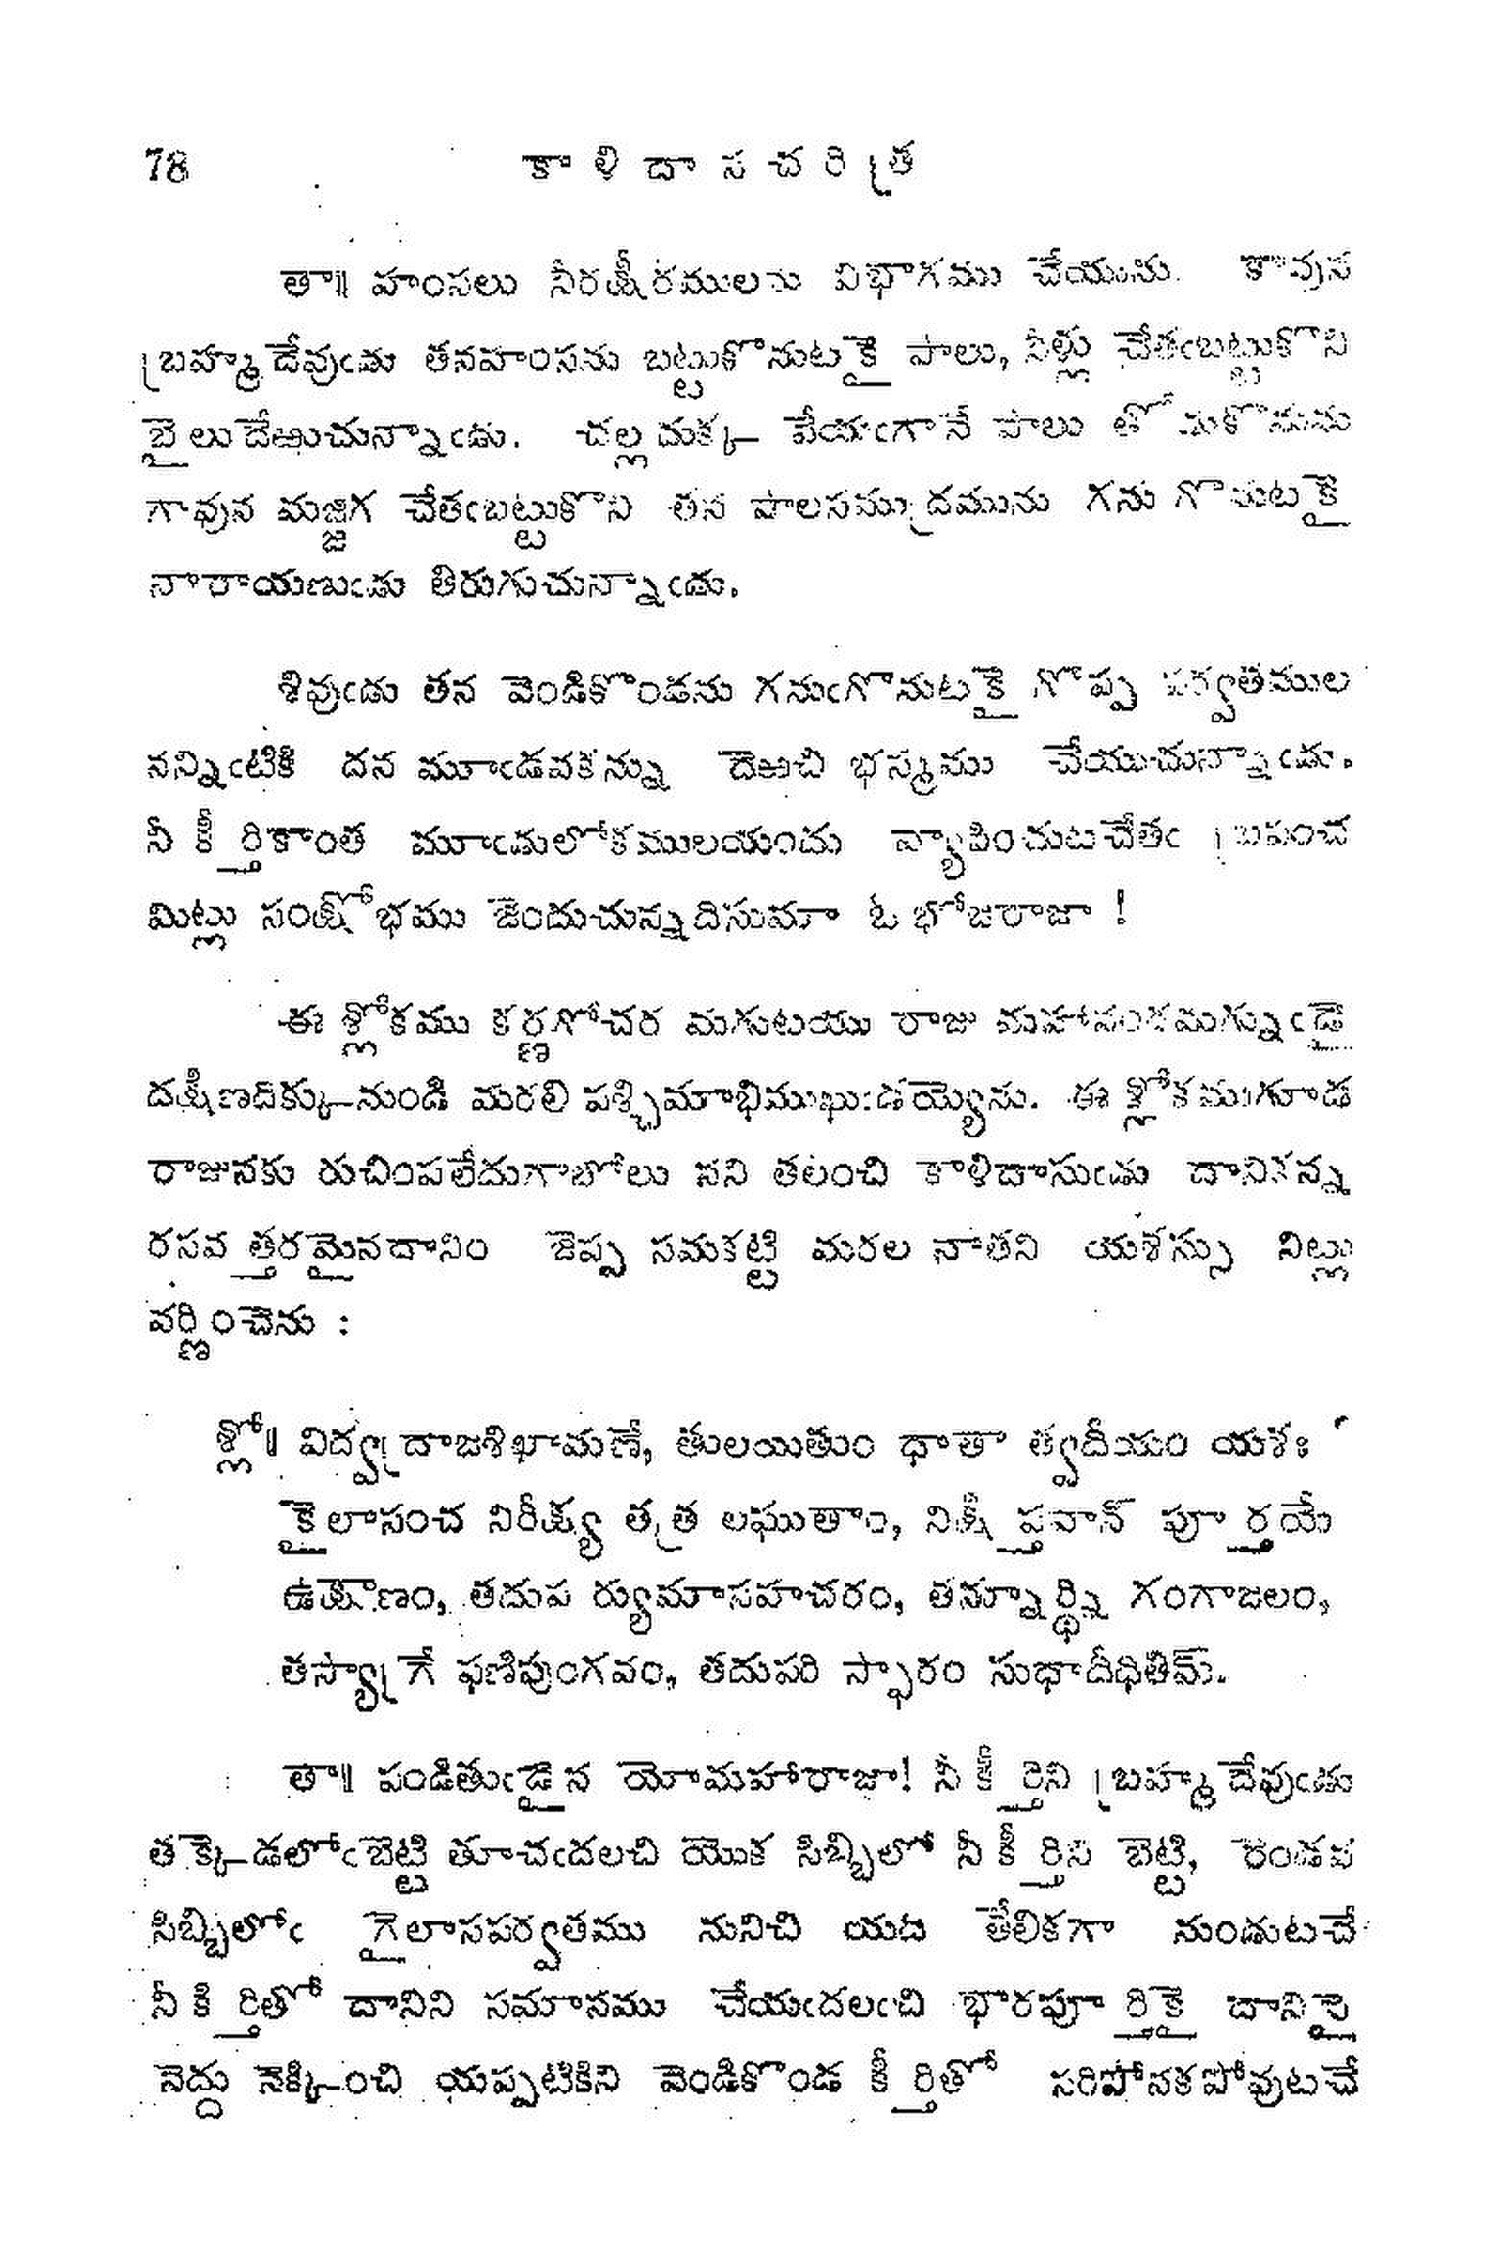తా॥ హంసలు నీరక్షీరములను విభాగము చేయును. కావున బ్రహ్మదేవుడు తన హంసను బట్టుకొనుటకై పాలు, నీళ్లు చేతబట్టుకొని బైలుదేఱుచున్నాడు. చల్లచుక్క వేయంగానే పాలు తోడుకొనును గావున మజ్జిగ చేతబట్టుకొని తన పాలసముద్రమును గనుగొనుటకై నారాయణుడు తిరుగుచున్నాడు.

 శివుడు తన వెండికొండను గనుగొనుటకై గొప్ప పర్వతములు నన్నింటికి దన మూడవకన్ను దెఱచి భస్మము చేయుచున్నాడు. నీకీర్తికాంద మూడులోకములయందు వ్యాపించుటచేత బ్రపంచ మిట్లు సంక్షోభము జెందుదున్నదిసుమా ఓ భోజరాజా !

 ఈ శ్లోకము కర్ణగొచర మగుటయు రాజు మహానందమగ్నుడై దక్షిణదిక్కు నుండి మరలి పశ్చిమాభిముఖు డయ్యను. ఈ శ్లోకముగూడ రాజునకు రుచింపలేదుగాబోలు నని తలంచి కాళిదాసుడు దానికన్న రసవత్తరమైన దానిని జెప్ప సమకట్టి మరల నాతని యశస్సు నిట్లు వర్ణించెను.

శ్లో॥విద్యద్రాజళిభాయదే, తలయితుం 
 ధాతా త్వదీయ యశ:
 కైలాసంచ నిరీక్ష్య తత్రలఘుతాం,
 నిక్షిప్తవార్ పూర్తయే
 ఉక్షాణం, తదుప ర్యుమాసహచరం,
 తన్పూర్ద్ని గంగాజలం
 తస్యాగ్రే ఫణివుంగనం, తదుపరి 
 స్ఫారం సుధాదీధతిన్.

 తా॥పండితుడైన యొమహారాజా! నీకీర్తిని బ్రహ్మదేవుడు తక్కెడలో బెట్టి తూచదలచి యొక సిబ్బిలో నీకీర్తిని బెట్టి రెండవ సిబ్బిలోగైలాసపరతము నునిచి యది తేలికగా నుండుటచే నీకీర్తితో దానిని సమానము చేయదలచి భాంపూర్తికై దానిపై నెద్దు నెక్కించి యప్పటికిని వెండికొండ కీర్తితో సరిపోవక పోవుటచే